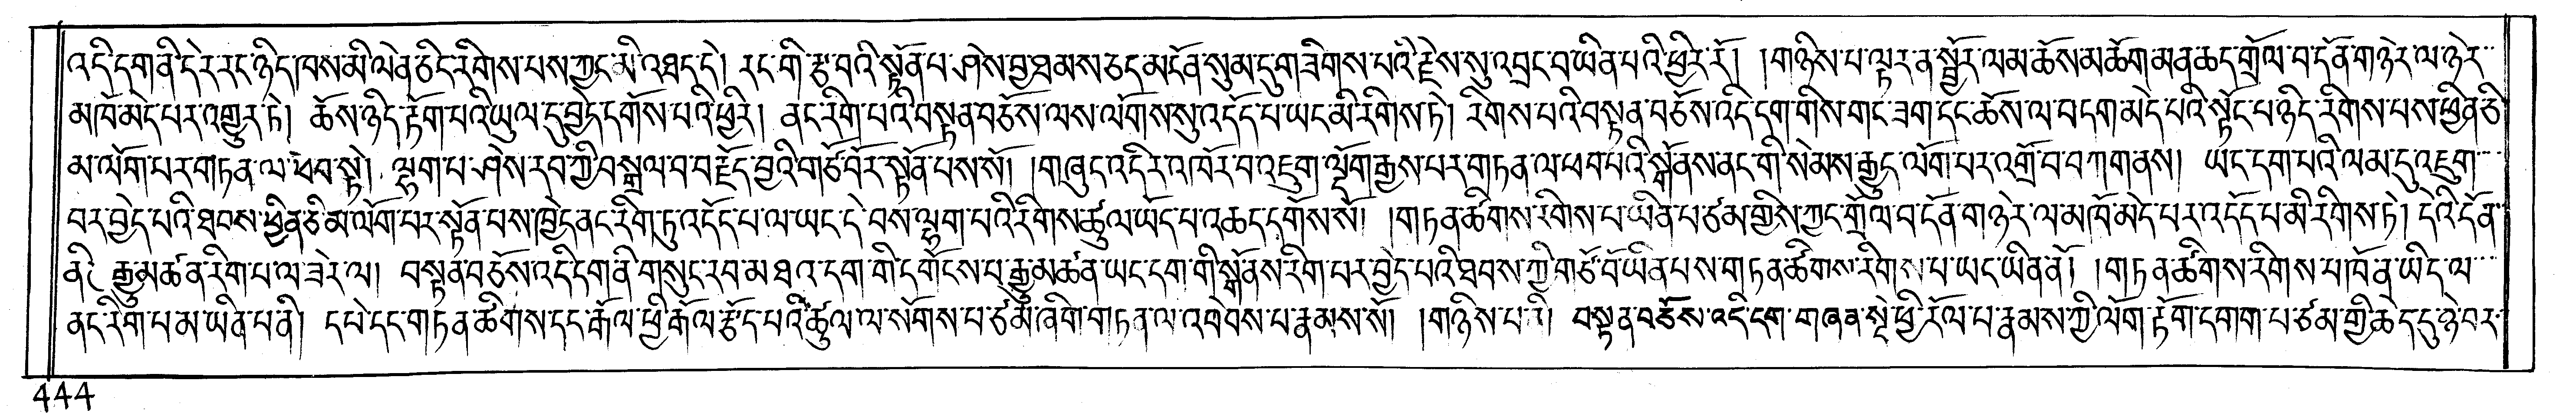འདི་དག་ནི་དེར་རང་ཉིད་ཁས་མི་ལེན་ཅིང་རིགས་པས་ཀྱང་མི་འཐད་དེ། རང་གི་རྩ་བའི་སྟོན་པ་ཤེས་བྱ་ཐམས་ཅད་མངོན་སུམ་དུ་གཟིགས་པའི་རྗེས་སུ་འབྲང་བ་ཡིན་པའི་ཕྱིར་རོ། །གཉིས་པ་ལྟར་ན་སྦྱོར་ལམ་ཆོས་མཆོག་མན་ཆད་གྲོལ་བ་དོན་གཉེར་ལ་ཉེར་
མཁོ་མེད་པར་འགྱུར་ཏེ། ཆོས་ཉིད་རྟོག་པའི་ཡུལ་དུ་བྱེད་དགོས་པའི་ཕྱིར། ནང་རིག་པའི་བསྟན་བཅོས་ལས་ལོགས་སུ་འདོད་པ་ཡང་མི་རིགས་ཏེ། རིགས་པའི་བསྟན་བཅོས་འདི་དག་གིས་གང་ཟག་དང་ཆོས་ལ་བདག་མེད་པའི་སྟོང་པ་ཉིད་རིགས་པས་ཕྱིན་ཅི་
མ་ལོག་པར་གཏན་ལ་ཕབ་སྟེ། ལྷག་པ་ཤེས་རབ་ཀྱི་བསླབ་པ་བརྗོད་བྱའི་གཙོ་བོར་སྟོན་པས་སོ། །གཞུང་འདིར་འཁོར་བ་འཇུག་ལྡོག་རྒྱས་པར་གཏན་ལ་ཕབ་པའི་སྒོ་ནས་ནང་གི་སེམས་རྒྱུད་ལོག་པར་འགྲོ་བ་བཀག་ནས། ཡང་དག་པའི་ལམ་དུ་འཇུག་
པར་བྱེད་པའི་ཐབས་ཕྱིན་ཅི་མ་ལོག་པར་སྟོན་པས་ཁྱེད་ནང་རིག་ཏུ་འདོད་པ་ལ་ཡང་དེ་བས་ལྷག་པའི་རིགས་ཚུལ་ཡོད་པ་འཆད་དགོས་སོ། །གཏན་ཚིགས་རིགས་པ་ཡིན་པ་ཙམ་གྱིས་ཀྱང་གྲོལ་བ་དོན་གཉེར་ལ་མཁོ་མེད་པར་འདོད་པ་མི་རིགས་ཏེ། དེའི་དོན་
ནི༑ རྒྱུ་མཚན་རིག་པ་ལ་ཟེར་ལ། བསྟན་བཅོས་འདི་དག་ནི་གསུང་རབ་མཐའ་དག་གི་དགོངས་པ་རྒྱུ་མཚན་ཡང་དག་གི་སྒོ་ནས་རིག་པར་བྱེད་པའི་ཐབས་ཀྱི་གཙོ་བོ་ཡིན་པས་གཏན་ཚིགས་རིགས་པ་ཡང་ཡིན་ནོ། །གཏན་ཚིགས་རིགས་པ་ཁོ་ན་ཡིན་ལ་
ནང་རིག་པ་མ་ཡིན་པ་ནི། དཔེ་དང་གཏན་ཚིགས་དང་རྒོལ་ཕྱི་རྒོལ་རྩོད་པའི་ཚུལ་ལ་སོགས་པ་ཙམ་ཞིག་གཏན་ལ་འབེབས་པ་རྣམས་སོ། །གཉིས་པ་ནི། བསྟན་བཅོས་འདི་དག་གཞན་སྡེ་ཕྱི་རོལ་པ་རྣམས་ཀྱི་ལོག་རྟོག་དགག་པ་ཙམ་གྱི་ཆེད་དུ་ཉེ་བར་